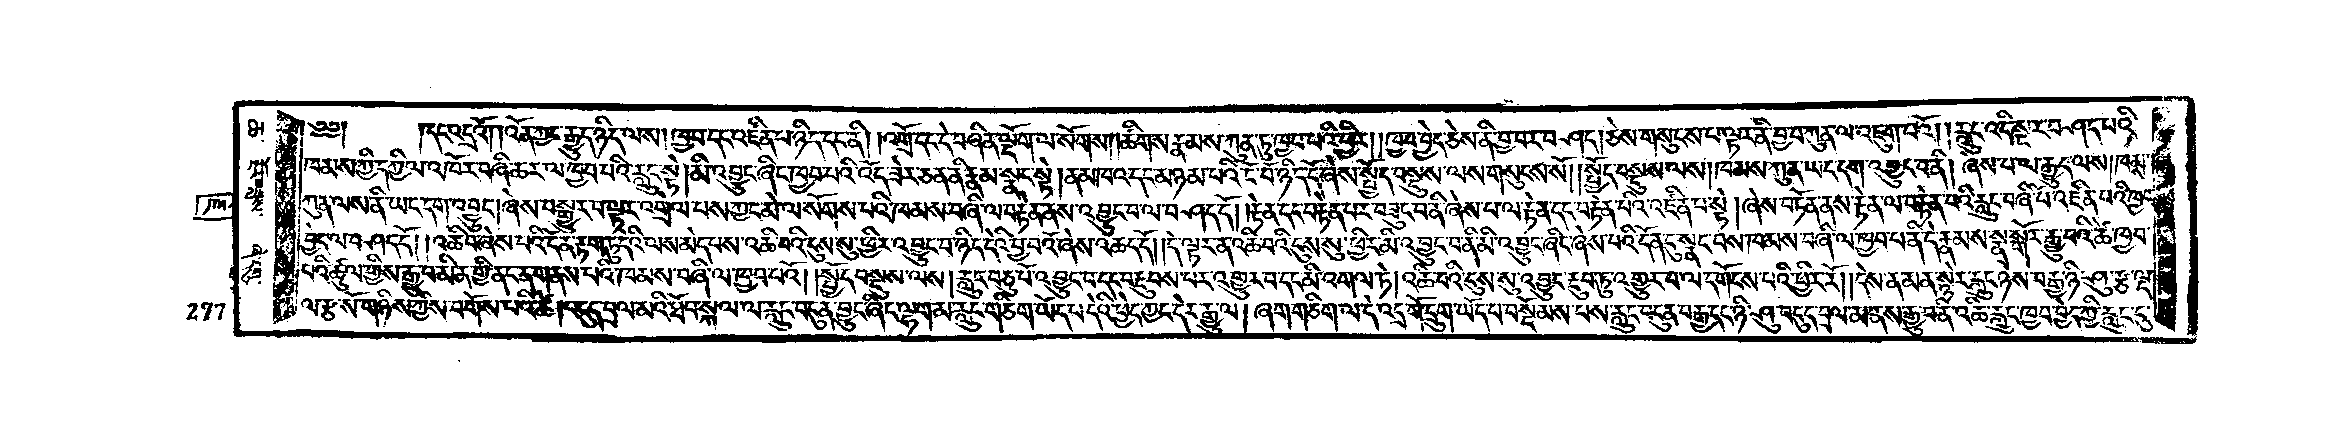༄༅། །དང་འདྲའོ། །འོན་ཀྱང་རྒྱུད་ཉིད་ལས། ཁྱབ་དང་འཛིན་པ་ཉིད་དང་ནི། །འགྲོ་དང་དེ་བཞིན་ལྡོག་ལ་སོགས། །ཚིགས་རྣམས་ཀུན་ཏུ་ཁྱབ་པའི་ཕྱིར། །ཁྱབ་བྱེད་ཅེས་ནི་བྱ་བར་བཤད། ཅེས་གསུངས་པ་ལྟར་ནི་བྱ་བ་ཀུན་ལ་འཇུག་པའོ། །རླུང་འདི་སྔར་བཤད་པའི་
ཁམས་ཀྱི་དཀྱིལ་འཁོར་བཞི་ཆར་ལ་ཁྱབ་པའི་རླུང་སྟེ། མི་འབྱུང་ཞིང་ཁྱབ་པའི་འོད་ཟེར་ཅན་ནི་རྣམ་སྣང་སྟེ། ནམ་མཁའ་དང་མཉམ་པའི་ངོ་བོ་ཉིད་དོ་ཞེས་སྤྱོད་བསྡུས་ལས་གསུངས་སོ། །སྤྱོད་བསྡུས་ལས། ཁམས་ཀུན་ཡང་དག་འབྱུང་བ་ནི། ཞེས་པ་ལ་རྒྱུད་ལས། ཁམས་
ཀུན་ལས་ནི་ཡང་དག་འབྱུང་། ཞེས་བསྒྱུར་བ་ལྟར་འགྲེལ་པས་ཀྱང་མེ་ལ་སོགས་པའི་ཁམས་བཞི་ལ་བརྟེན་ནས་འབྱུང་བ་ལ་བཤད་དོ། །རྟེན་དང་བརྟེན་པར་བཟུང་བ་ནི་ཞེས་པ་ལ་རྟེན་དང་བརྟེན་པའི་འཛིན་པ་སྟེ། ཞེས་བཏོན་ནས་རྟེན་ལ་བརྟེན་པའི་རླུང་བཞི་པོ་འཛིན་པའི་ཁྱབ་
བྱེད་ལ་བཤད་དོ། །འཆི་བ་ཞེས་པའི་དོན་རྟག་ཏུ་དེའི་ལས་མེད་པས་འཆི་བའི་དུས་སུ་ཕྱིར་འབྱུང་བ་ཉིད་དེའི་བྱ་བའོ་ཞེས་འཆད་དོ། །དེ་ལྟར་ན་འཆི་བའི་དུས་སུ་ཕྱིར་མི་འབྱུང་བ་ནི་མི་འབྱུང་ཞིང་ཞེས་པའི་དོན་དུ་སྣང་བས་ཁམས་བཞི་ལ་ཁྱབ་པ་ནི་དེ་རྣམས་སྣ་སྒོར་རྒྱུ་བའི་ཚེ་ཁྱབ་
པའི་ཚུལ་གྱིས་རྒྱུ་བ་མིན་གྱི་ནང་ན་གནས་པའི་ཁམས་བཞི་ལ་ཁྱབ་པའོ། །སྤྱོད་བསྡུས་ལས། རླུང་བཅུ་པོ་འབྱུང་བ་དང་བརྡུབས་པར་འགྱུར་བ་དང་མི་འགལ་ཏེ། འཆི་བའི་དུས་སུ་འབྱུང་རྡུབ་ཏུ་འགྱུར་བ་ལ་དགོངས་པའི་ཕྱིར་རོ། །དེས་ན་མན་སྙེར་རླུང་ཉེས་བརྒྱ་ཉི་ཤུ་རྩ་ལྔ་
ལ་རྩ་སོ་གཉིས་ཀྱིས་བགོས་པའི་ཚེ། བདུད་བྲལ་མའི་ཐོབ་སྐལ་ལ་རླུང་བདུན་བྱུང་ཞིང་ལྷག་མ་རླུང་གཅིག་ཡོད་པ་དེའི་ཕྱེད་ཀྱང་དེར་རྒྱུ་ལ། ཞག་གཅིག་ལ་དེ་འདྲ་གོ་དྲུག་ཡོད་པ་བསྡོམས་པས་རླུང་བདུན་བརྒྱ་དང་ཉི་ཤུ་བདུད་བྲལ་མ་ནས་རྒྱུ་བ་ནི་འཆི་རླུང་ཁྱབ་བྱེད་ཀྱི་རླུང་དུ་